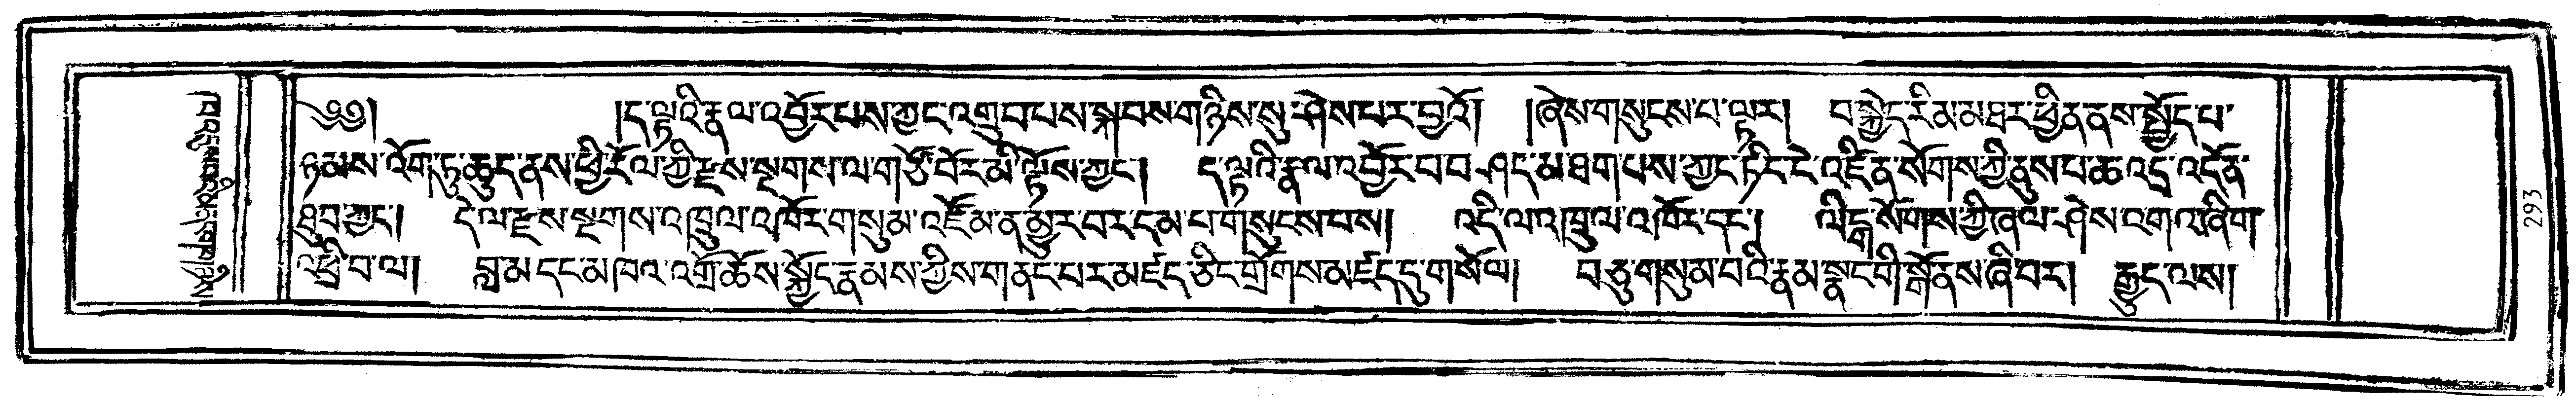༄༅། །ད་ལྟའི་རྣལ་འབྱོར་པས་ཀྱང་འགྲུབ་པས་སྐབས་གཉིས་སུ་ཤེས་པར་བྱའོ། །ཞེས་གསུངས་པ་ལྟར། བསྐྱེད་རིམ་མཐར་ཕྱིན་ནས་སྤྱོད་པ་
ཉམས་འོག་ཏུ་ཆུད་ནས་ཕྱི་རོལ་ཀྱི་རྫས་སྔགས་ལ་གཙོ་བོར་མི་ལྟོས་ཀྱང་། ད་ལྟའི་རྣལ་འབྱོར་བ་བཤད་མ་ཐག་པས་ཀྱང་ཏིང་ངེ་འཛིན་སོགས་ཀྱི་ནུས་པ་ཆ་འདྲ་འདོན་
ཐུབ་ཀྱང་། དེ་ལ་རྫས་སྔགས་འཁྲུལ་འཁོར་གསུམ་འཛོམ་ན་མྱུར་བར་དམ་པ་གསུངས་པས། འདི་ལ་འཁྲུལ་འཁོར་དང་། ལིངྒ་སོགས་ཀྱི་ཞལ་ཤེས་འགའ་ཞིག་
འཕྲི་བ་ལ། བླ་མ་དང་མཁའ་འགྲོ་ཆོས་སྐྱོང་རྣམས་ཀྱིས་གནང་པར་མཛད་ཅིང་གྲོགས་མཛད་དུ་གསོལ། བཅུ་གསུམ་པའི་རྣམ་སྣང་གི་སྒོ་ནས་ཞི་བར། རྒྱུད་ལས།